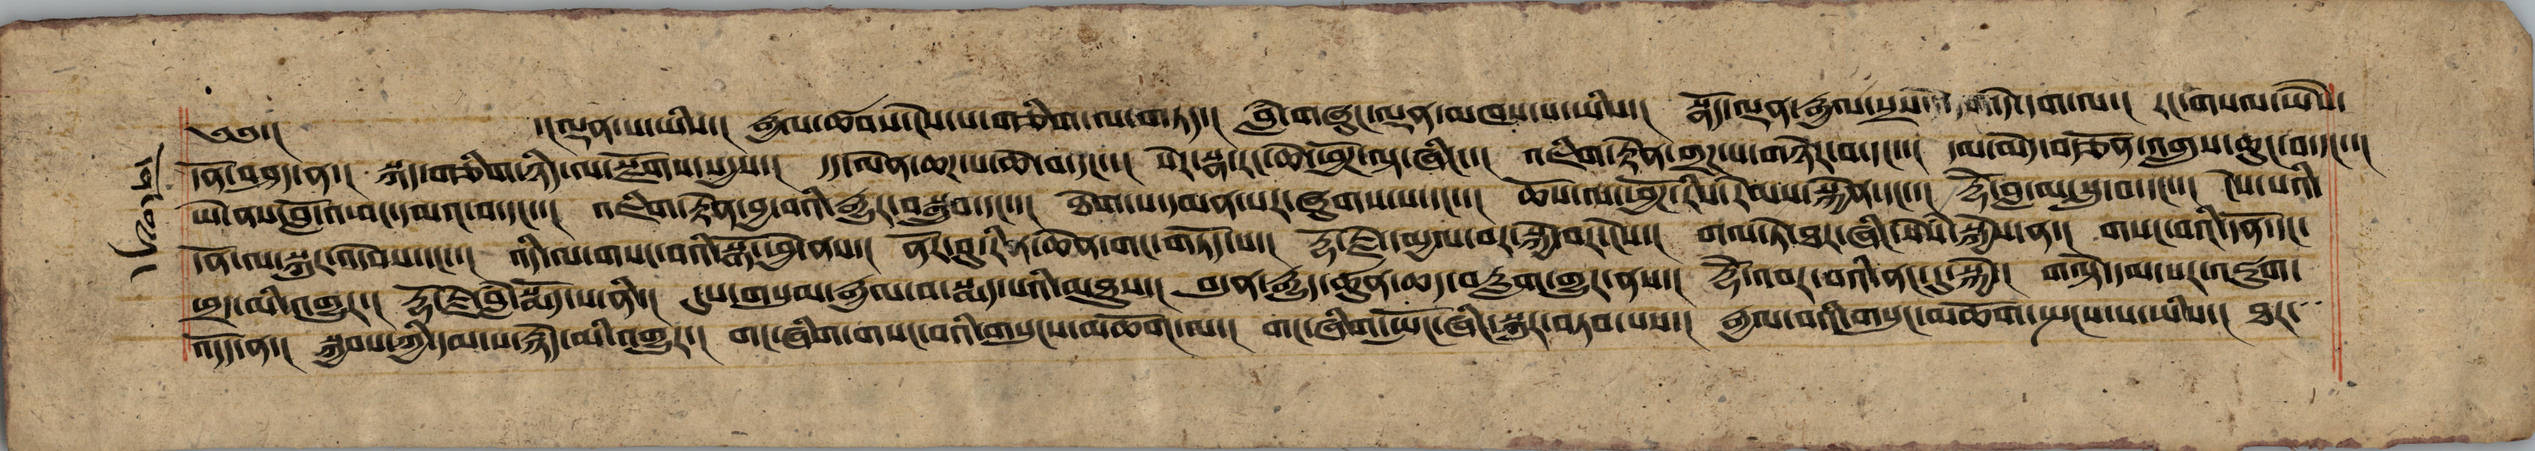༄༅་། ་།ལྡན་པ་ཡིས་། རྒྱལ་ཚབས་ངེས་པ་གཅིག་ལ་གཏད་། བླཾ་གཞུང་ལྡན་མཁས་པ་ཡིས་། སྣོད་ལྡན་རྒྱལ་སྲས་དེ་དག་ལ་། རང་གསལ་ཡཻས་
དོན་བཤད་ན་། སྐད་གཅིག་ཉིད་ལ་སྫོགས་སདྱས་། དད་ལེན་ཆཌ་པ་ཆེ་བ་དང་་། སེར་སྣ་རང་ཆེ་ཕྱོཌ་ལྟ་ཞིང་་། འཇིག་རྟེན་གྲཌ་པ་གཉེར་བ་དང་་། དམ་མེད་བརྩོན་འགྲུས་ཆུང་བ་དང་་།
ཡེ་ནས་བློ་འཕང་དམའ་བ་དང་་། འཇིག་རྟེན་བྱ་བའི་རྒྱུར་བསྒྲུབ་དང་་། ཐེག་པ་དམན་པར་ཞུགས་པ་དང་་། ཆོས་ལ་ཕྱོཌ་རིས་རེམས་སྐྱེན་དང་་། རྡོེ་བླ་མ་སླུ་བ་དང་་། ངེས་པའི་
དོན་ལ་སྐུར་འདེབས་དང་་། འདི་ལ་གསང་བའི་སྒོ་ཕྱེ་ནས་། ནོར་བུ་རིན་ཆེན་གང་གཏོད་པ་། རྡོ་རྗེ་དམྱལ་བར་སྐྱེ་བར་ངེས་། གལ་ཏེ་ཐར་ཞིང་སེཾས་སྐྱེས་ན་། གསང་བའི་དོན་དང་
ཕྲད་མི་འགྱུར་། རྡོ་རྗེ་བླཾ་སྨོད་པ་ནི་། དུས་གསུམ་རྒྱལ་བ་སྨད་པའི་མཐུས་། བདུན་རྒྱུད་ཚུན་ཆད་བརླག་གྱུར་ནས་། རྡོེ་འབར་བའི་ནང་དུ་སྐྱེ་། གལྟེ་དམ་པར་འཇུག་
འདོད་ན་། སྐྱབས་ཀྱི་དམ་པ་རྙེད་མི་འགྱུར་། གང་ཞིག་གསང་བའི་གསུངས་མཆོག་ལ་། གང་ཞིག་སྤོང་ཞིང་སྐུར་བཏབ་པས་། རྒྱལ་བའི་གསུང་མཆོག་སྤངས་པ་ཡིས་། ཐར་